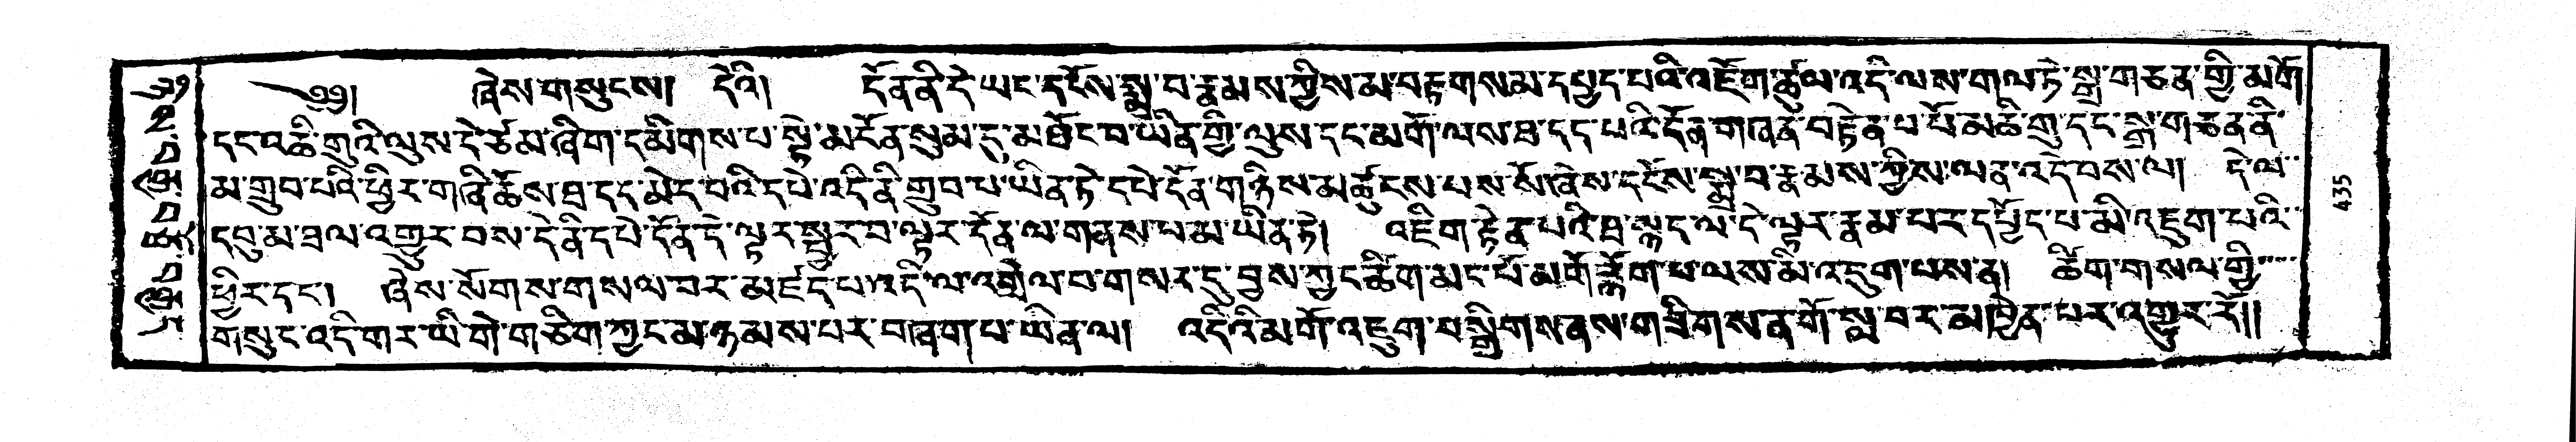༄༅། །ཞེས་གསུངས། དེའི། དོན་ནི་དེ་ཡང་དངོས་སྨྲ་བ་རྣམས་ཀྱིས་མ་བརྟགས་མ་དཔྱད་པའི་འཇོག་ཚུལ་འདི་ལས་གལ་ཏེ་སྒྲ་གཅན་གྱི་མགོ་
དང་འཆི་གུའི་ལུས་དེ་ཙམ་ཞིག་དམིགས་པ་སྟེ་མངོན་སུམ་དུ་མཐོང་བ་ཡིན་གྱི་ལུས་དང་མགོ་ལས་ཐ་དད་པའི་དོན་གཞན་བརྟེན་པ་པོ་མཆི་གུ་དང་སྒྲ་གཅན་ནི་
མ་གྲུབ་པའི་ཕྱིར་གཞི་ཆོས་ཐ་དད་མེད་པའི་དཔེ་འདི་ནི་གྲུབ་པ་ཡིན་ཏེ་དཔེ་དོན་གཉིས་མཚུངས་པས་སོ་ཞེས་དངོས་སྨྲ་བ་རྣམས་ཀྱིས་ལན་འདེབས་ལ། དེ་ལ་
དབུ་མ་ཐལ་འགྱུར་བས་དེ་ནི་དཔེ་དོན་དེ་ལྟར་སྦྱར་བ་ལྟར་དོན་ལ་གནས་པ་མ་ཡིན་ཏེ། འཇིག་རྟེན་པའི་ཐ་སྙད་ལ་དེ་ལྟར་རྣམ་པར་དཔྱོད་པ་མི་འཇུག་པའི་
ཕྱིར་དང་། ཞེས་སོགས་གསལ་བར་མཛད་པ་འདི་ལ་འགྲེལ་བ་གསར་དུ་བྱས་ཀྱང་ཚིག་མང་པོ་མགོ་རྙོག་པ་ལས་མི་འདུག་པས་ན། ཚིག་གསལ་གྱི་
གསུང་འདི་གར་ཡི་གེ་གཅིག་ཀྱང་མ་ཉམས་པར་བཞག་པ་ཡིན་ལ། འདིའི་མགོ་འཇུག་བསྒྲིགས་ནས་གཟིགས་ན་གོ་སླ་བར་མཁྱེན་པར་འགྱུར་རོ། །